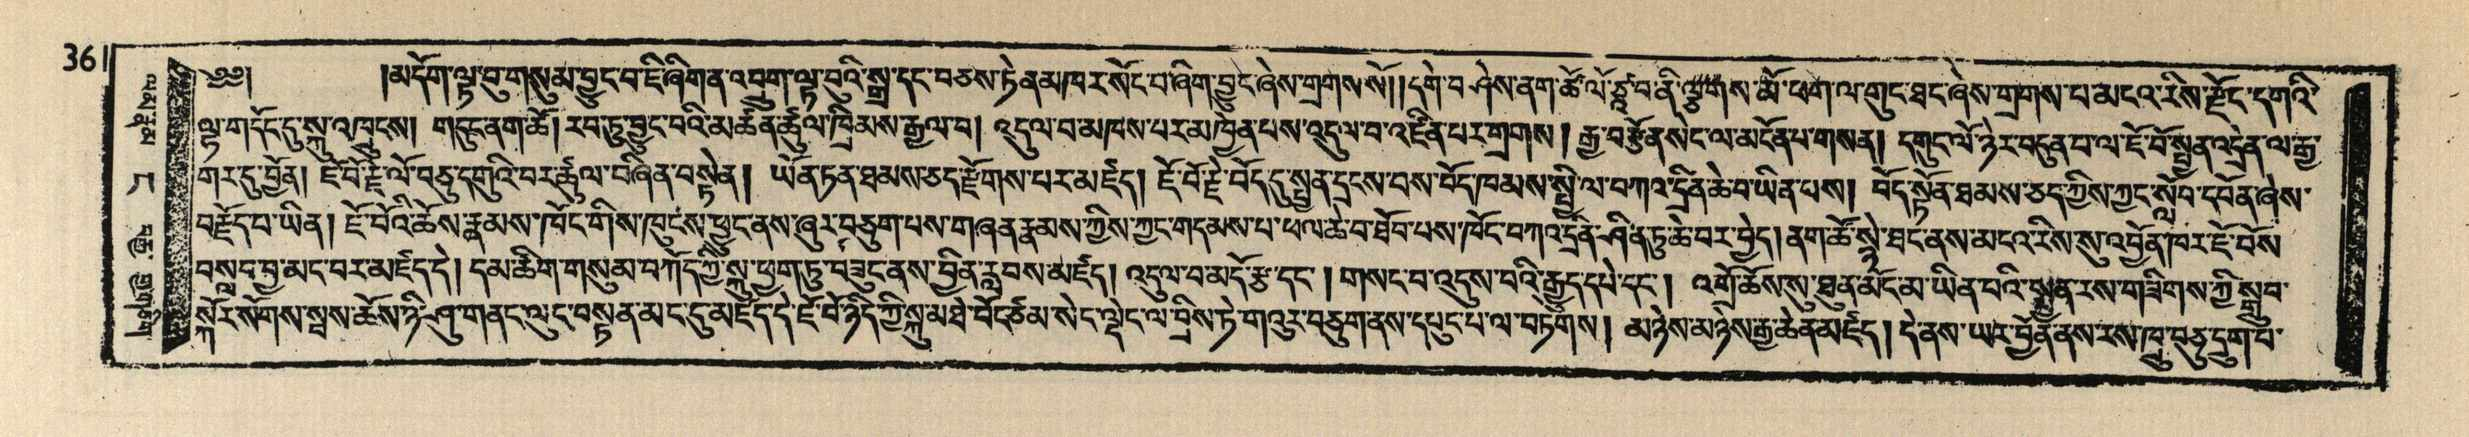༄༅། །མདོག་ལྟ་བུ་གསུམ་བྱུང་བ་ཇི་ཞིག་ན་འབྲུག་ལྟ་བུའི་སྒྲ་དང་བཅས་ཏེན་མཁར་སོང་བ་ཞིག་བྱུང་ཞེས་གྲགས་སོ། །དགེ་བཤེས་ནག་ཚོ་ལོ་ཙཱ་བ་ནི་ལྕགས་མོ་ཕག་ལ་གུང་ཐང་ཞེས་གྲགས་པ་མངའ་རིས་རྫོང་དགའི་
ལྷ་གདོང་དུ་སྐུ་འཁྲུངས། གདུང་ནག་ཚོ། རབ་ཏུ་བྱུང་བའི་མཚན་ཚུལ་ཁྲིམས་རྒྱལ་བ། འདུལ་བ་མཁས་པར་མཁྱེན་པས་འདུལ་བ་འཛིན་པར་གྲགས། རྒྱ་བརྩོན་སེང་ལ་མངོན་པ་གསན། དགུང་ལོ་ཉེར་བདུན་པ་ལ་ཇོ་བོ་སྤྱན་འདྲེན་ལ་རྒྱ་
གར་དུ་བྱོན། ཇོ་བོ་རྗེ་ལོ་བཅུ་དགུའི་བར་ཚུལ་བཞིན་བསྟེན། ཡོན་ཏན་ཐམས་ཅད་རྫོགས་པར་མཛད། ཇོ་བོ་རྗེ་བོད་དུ་སྤྱན་དྲངས་བས་བོད་ཁམས་སྤྱི་ལ་བཀའ་དྲིན་ཆེ་བ་ཡིན་པས། བོད་སྟོན་ཐམས་ཅད་ཀྱིས་ཀྱང་སློབ་དཔོན་ཞེས་
བརྗོད་པ་ཡིན། ཇོ་བོའི་ཆོས་རྣམས་ཁོང་གིས་ཁུངས་ཕྱུང་ནས་ཞུར་བཅུག་པས་གཞན་རྣམས་ཀྱིས་ཀྱང་གདམས་པ་ཕལ་ཆེ་བ་ཐོབ་པས་ཁོང་བཀའ་དྲིན་ཤིན་ཏུ་ཆེ་བར་བྱེད། ནག་ཚོ་སྙེ་ཐང་ནས་མངའ་རིས་སུ་འབྱོན་ཁར་ཇོ་བོས་
བསླབ་བྱ་མང་བར་མཛད་དེ། དམ་ཚིག་གསུམ་བཀོད་ཀྱི་སྐུ་ཕྱག་ཏུ་བཟུང་ནས་བྱིན་རླབས་མཛད། འདུལ་བ་མདོ་རྩ་དང་། གསང་བ་འདུས་བའི་རྒྱུད་དཔེ་དང་། འགྲོ་ཆོས་སུ་ཐུན་མོང་མ་ཡིན་པའི་སྤྱན་རས་གཟིགས་ཀྱི་སྒྲུབ་
སྐོར་སོགས་སྦས་ཆོས་ཉི་ཤུ་གནང་ལུང་བསྟན་མང་དུ་མཛད་དེ་ཇོ་བོ་ཉིད་ཀྱི་སྐུ་མཐེ་བོང་ཙམ་སེང་ལྡེང་ལ་བྲིས་ཏེ་གའུར་བཅུག་ནས་དཔུང་པ་ལ་བཏགས། མཉེས་མཉེས་རྒྱ་ཆེན་མཛད། དེ་ནས་ཡར་བྱོན་ནས་རས་ཁྲུ་བཅུ་དྲུག་པ་